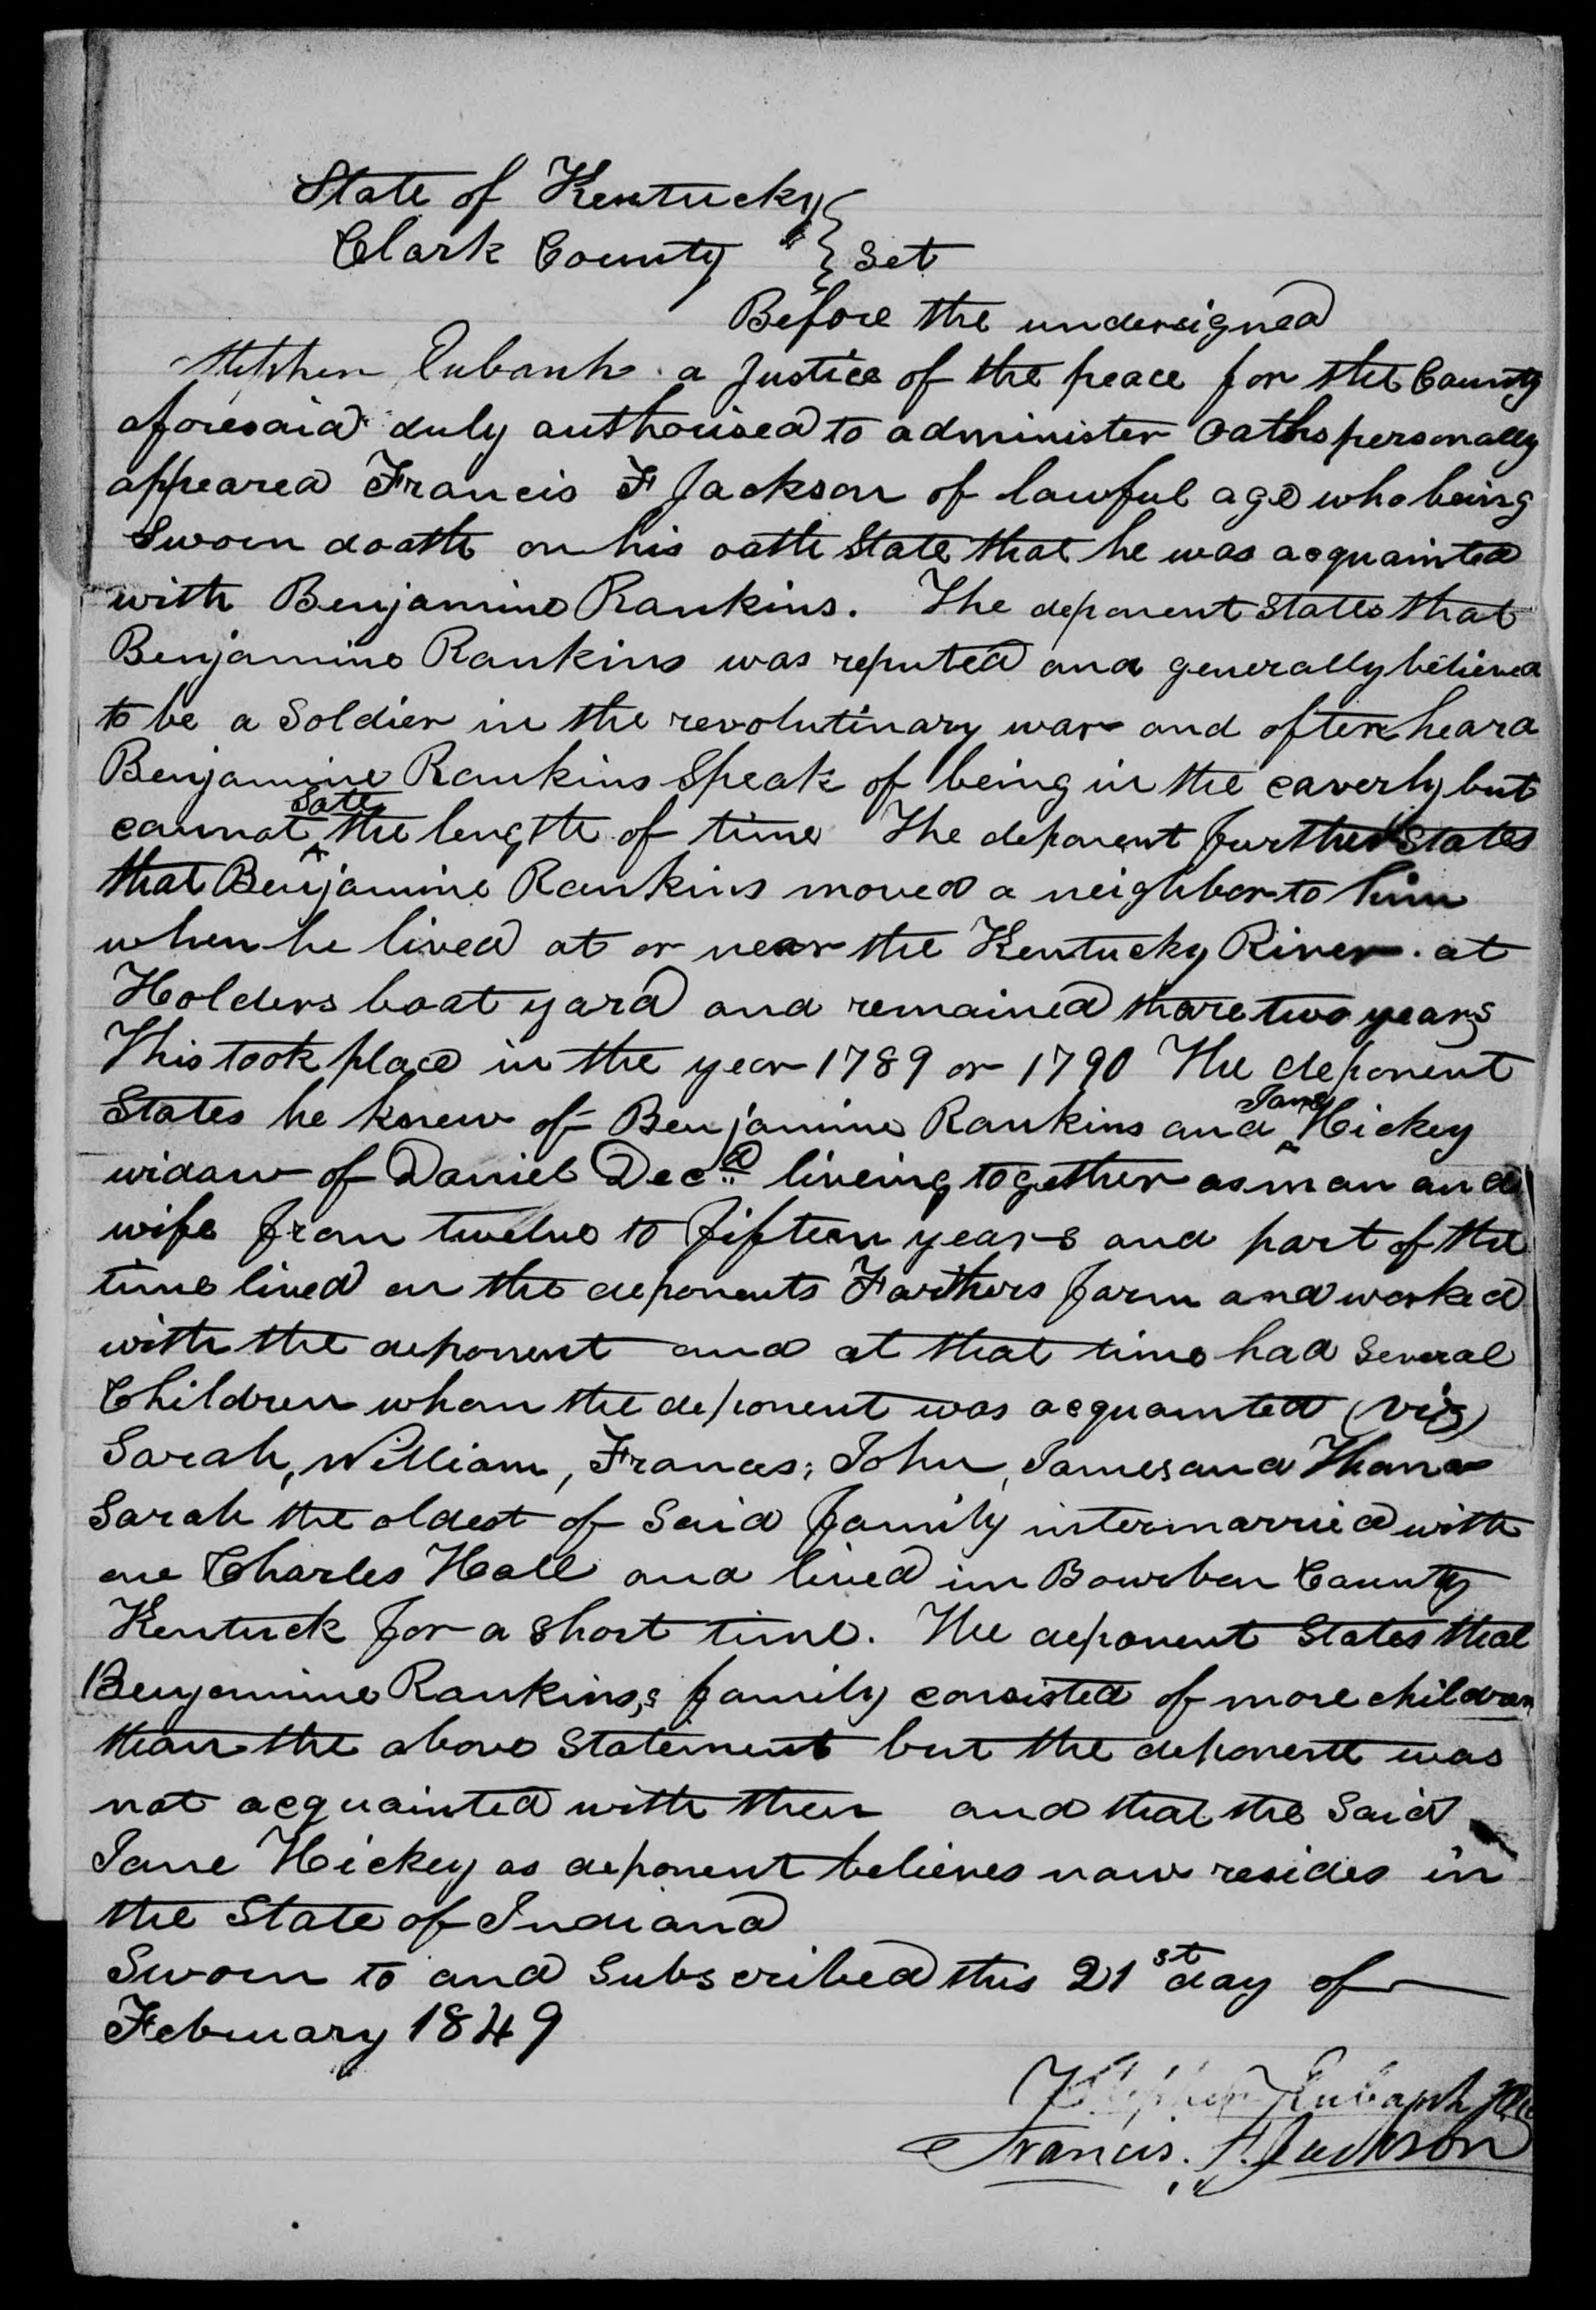State of Kentucky
Clark County Sct
Before the undersigned Stephen Eubank a Justice of the peace for the County aforesaid duly authorized to administer Oaths personally
appeared Francis F Jackson of lawful age who being Sworn doath on his oath state that he was acquainted with Benjamin Rankins. The deponent states that Benjamin Rankins was reputed and generally believed to be a soldier in the revolutionary war and ofter heard
Benjamin Rankins Speak of being in the caverly [cavalry] but cannot Sate the length of time The deponent further states that Benjamin Rankins moved a neighbor to him when he lived at or near the Kentucky River at Holders boat yard and remained there two years
This took place in the year 1789 or 1790 the deponent States he knew of Benjamin Rankins and Jane Hickey widow of Daniel Decd living together as man and wife from twelve to fifteen years and part of the time lived on the deponents Farthers [father's] farm and worked
with the deponent and at that time had several
Children whom the deponent was acquainted (viz) Sarah, William, Frances, John, James and Thomas Sarah the oldest of said family intermarried with one Charles Hall and lived in Bourbon County Kentucky for a short time. The deponent states that Benjamine Rankins's family consisted of more children than the above statement but the deponent was
not acquainted with them and that the said
Jane Hickey as deponent believes now resides in the State of Indiana
Sworn to and subscribed this 21st day of-
February 1849
Stephen Eubanks JPce
Francis Jackson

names: John, Benjamine Rankins, Benjamine Rankins, Benjamine Rankins, James, Jane Hickey, Daniel, Thomas, Sarah, Francis F Jackson, Benjamine Rankins, Stephen Eubank, Frances, Francis F Jackson, Benjamine Rankins, Stephen Eubank, Charles Hall, Benjamine Rankins, William, Jane Hickey, Sarah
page: 45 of 84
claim: widow's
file: W. 7744, Daniel Hickey, Penn.